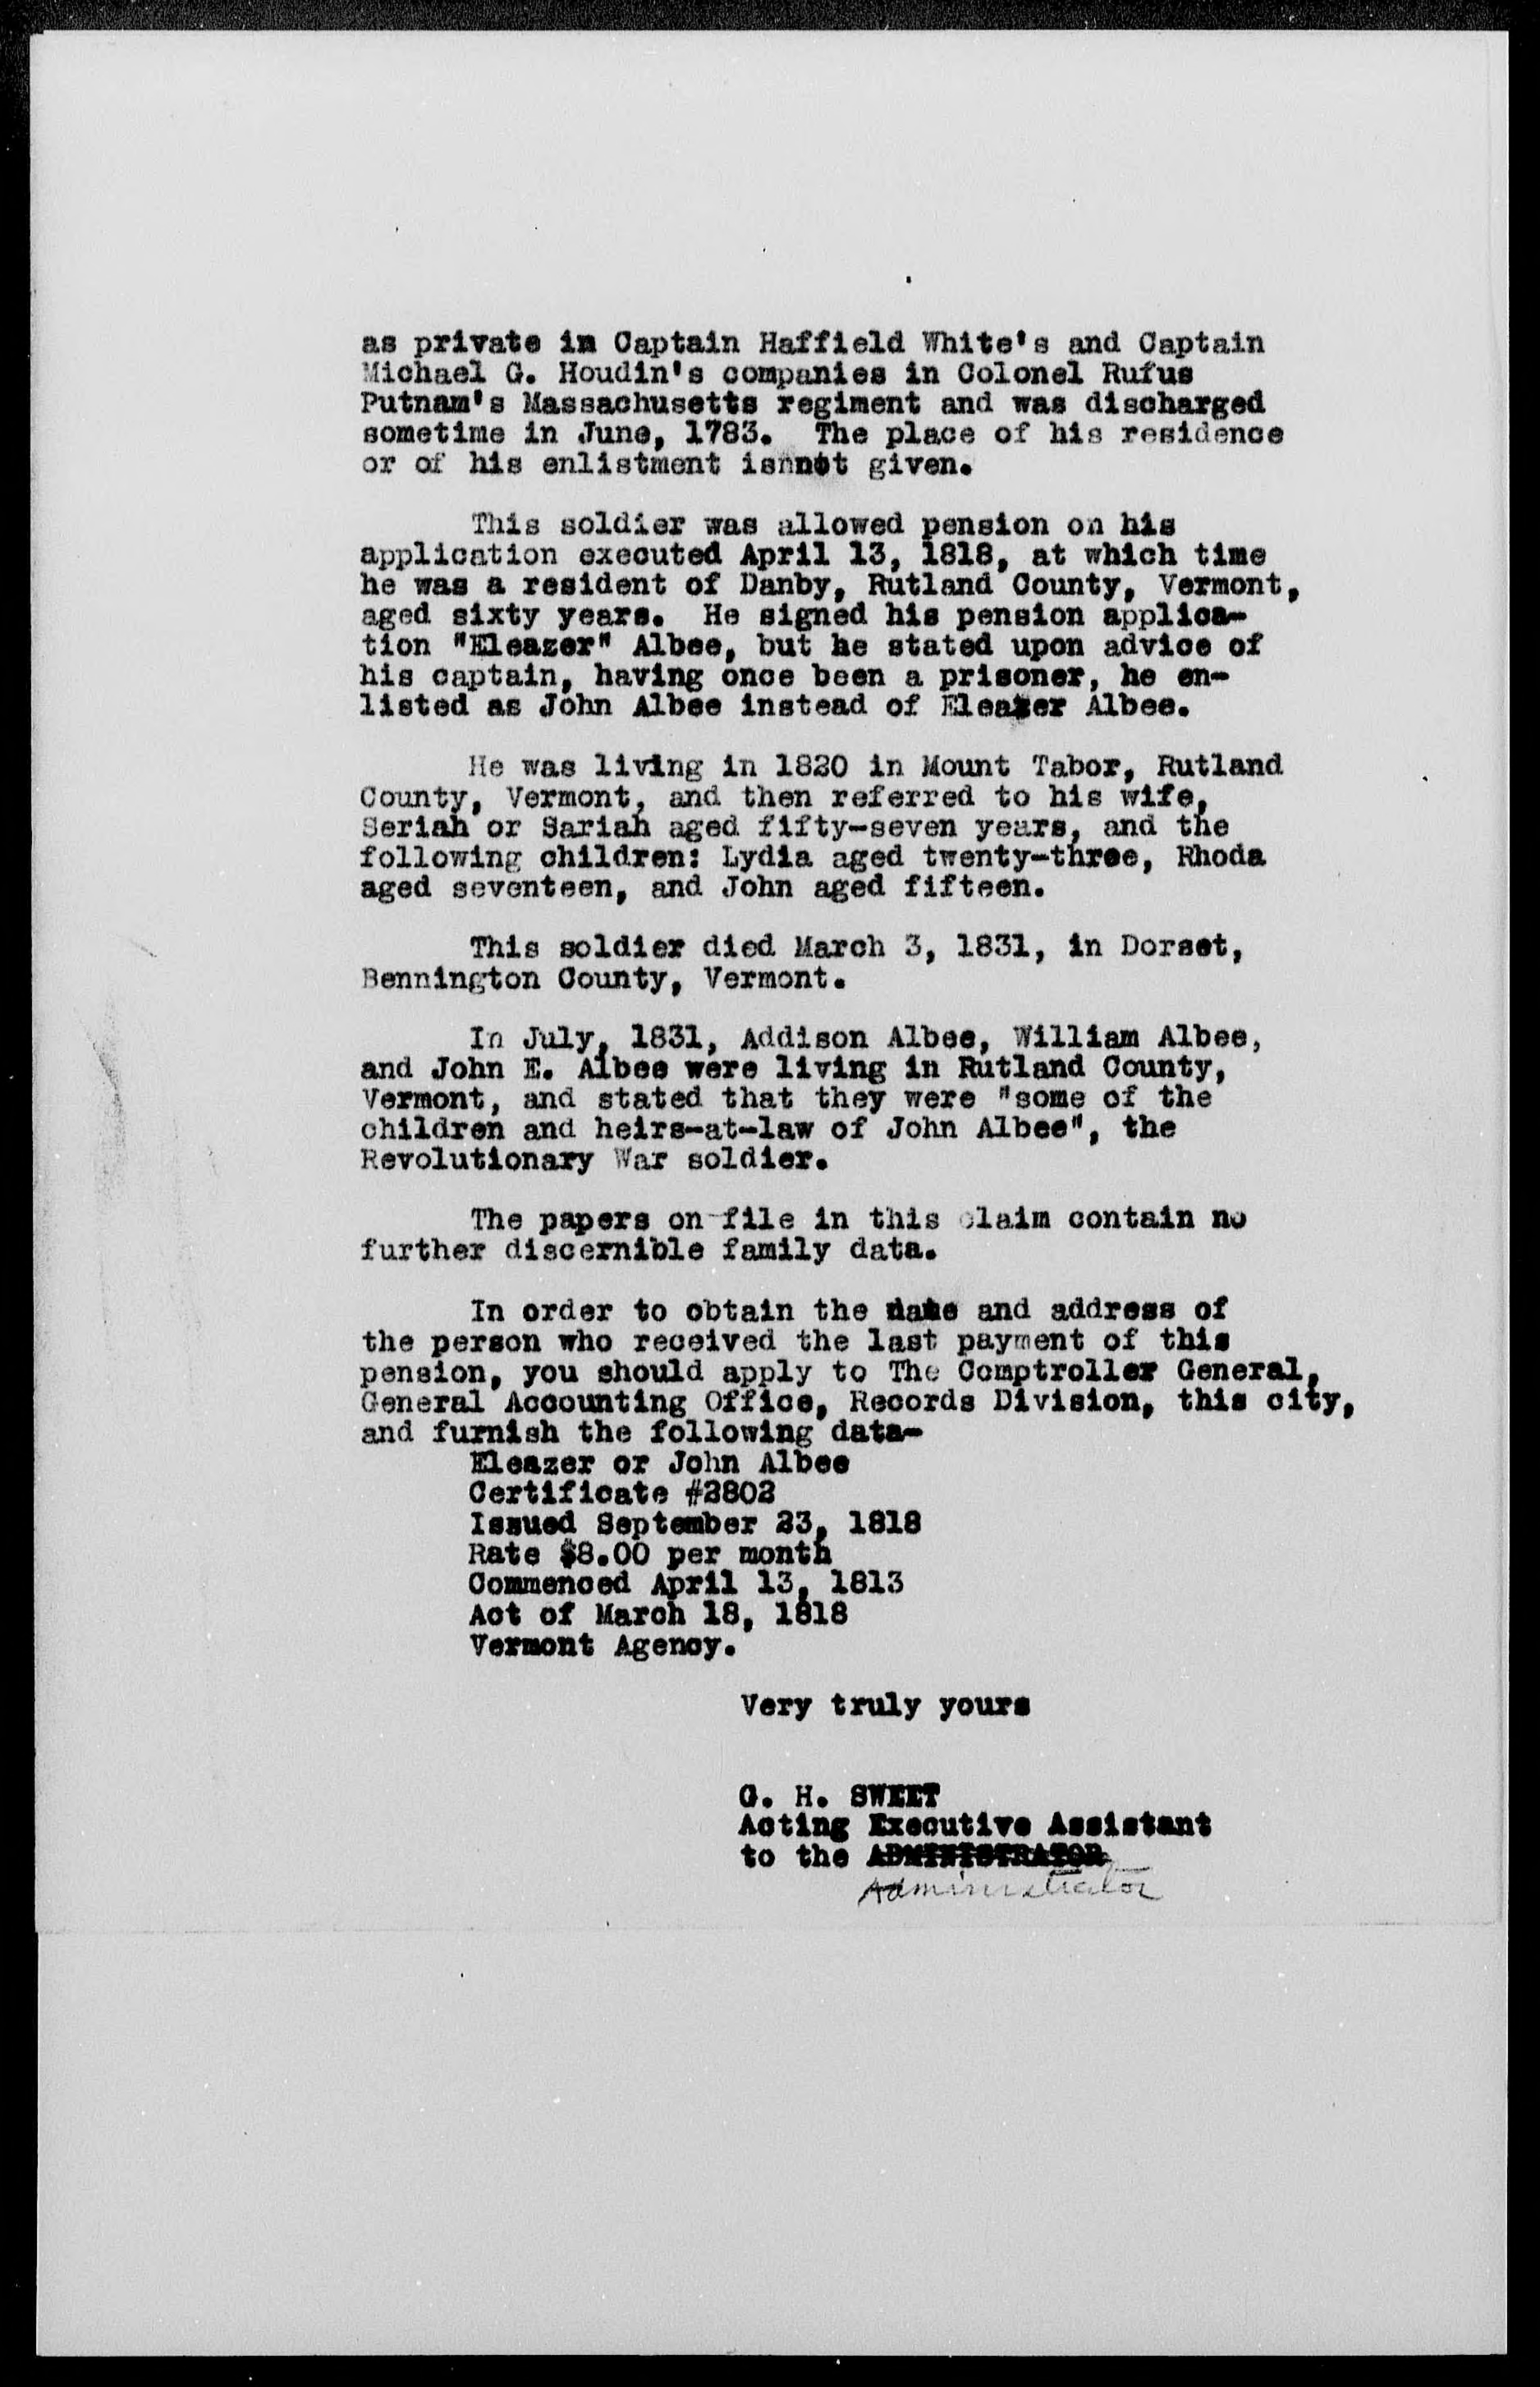as private in Captain Haffield White's and Captain Michael G. Houdin's companies in Colonle Rufus Putnam's Massachusetts regiment and was discharged sometime in June 1783. The place of his residence or of his enlistment is not given.

This soldier was allowed pension on his application executed April 13, 1818, at which time he was a resident of Danby, Rutland County, Vermont, aged sixty years.  He signed his pension  application "Eleazer"Albee, but he stated upon advice of his captain, having once been a prisoner, he enlisted as John Albee instead of Eleazer Albee.

He was living in 1820 in Mount Tabor, Rutland County, Vermont, and then referred to his wife, Seriah, or Sariah aged fifty-seven years, and the following children:  Lydia aged twenty-three, Rhoda aged seventeen, and John aged fifteen.

This soldier died March 3, 1831, in Dorset, Bennington County, Vermont.

In July, 1831, Addison Albee, William Albee, and John E. Albee were living in Rutland County, Vermont, and stated that they were "some of the children and heirs-at-law of John Albee", the Revolutionary War soldier.

The papers on file in this claim contain no further discernible family data.

In order to obtain the date and address of the person who received the last payment of this pension, you should apply to the Comptroller General, General Accounting Office, Records Division, this city, and furnish the following data - 
Eleazer or John Albee
Certificate - #2802
Issued September 23, 1818
Rate $8.00 per month
Commenced April 13, 1813
Act of March 18, 1818
Vermont Agency

Very truly yours,

G.H. Sweet
Acting Executive Assistant
to the Administrator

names: G H Sweet, Addison Albee, William Albee, Sariah, Lydia, Rhoda, John, John E Albee, John Albee, Eleazer Albee, John Albee, Eleazer Albee, Eleazer Albee, Seriah, John Albee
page: 29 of 29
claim: survivor's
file: S 41404, Eleazer John Albee, Mass. Privateer